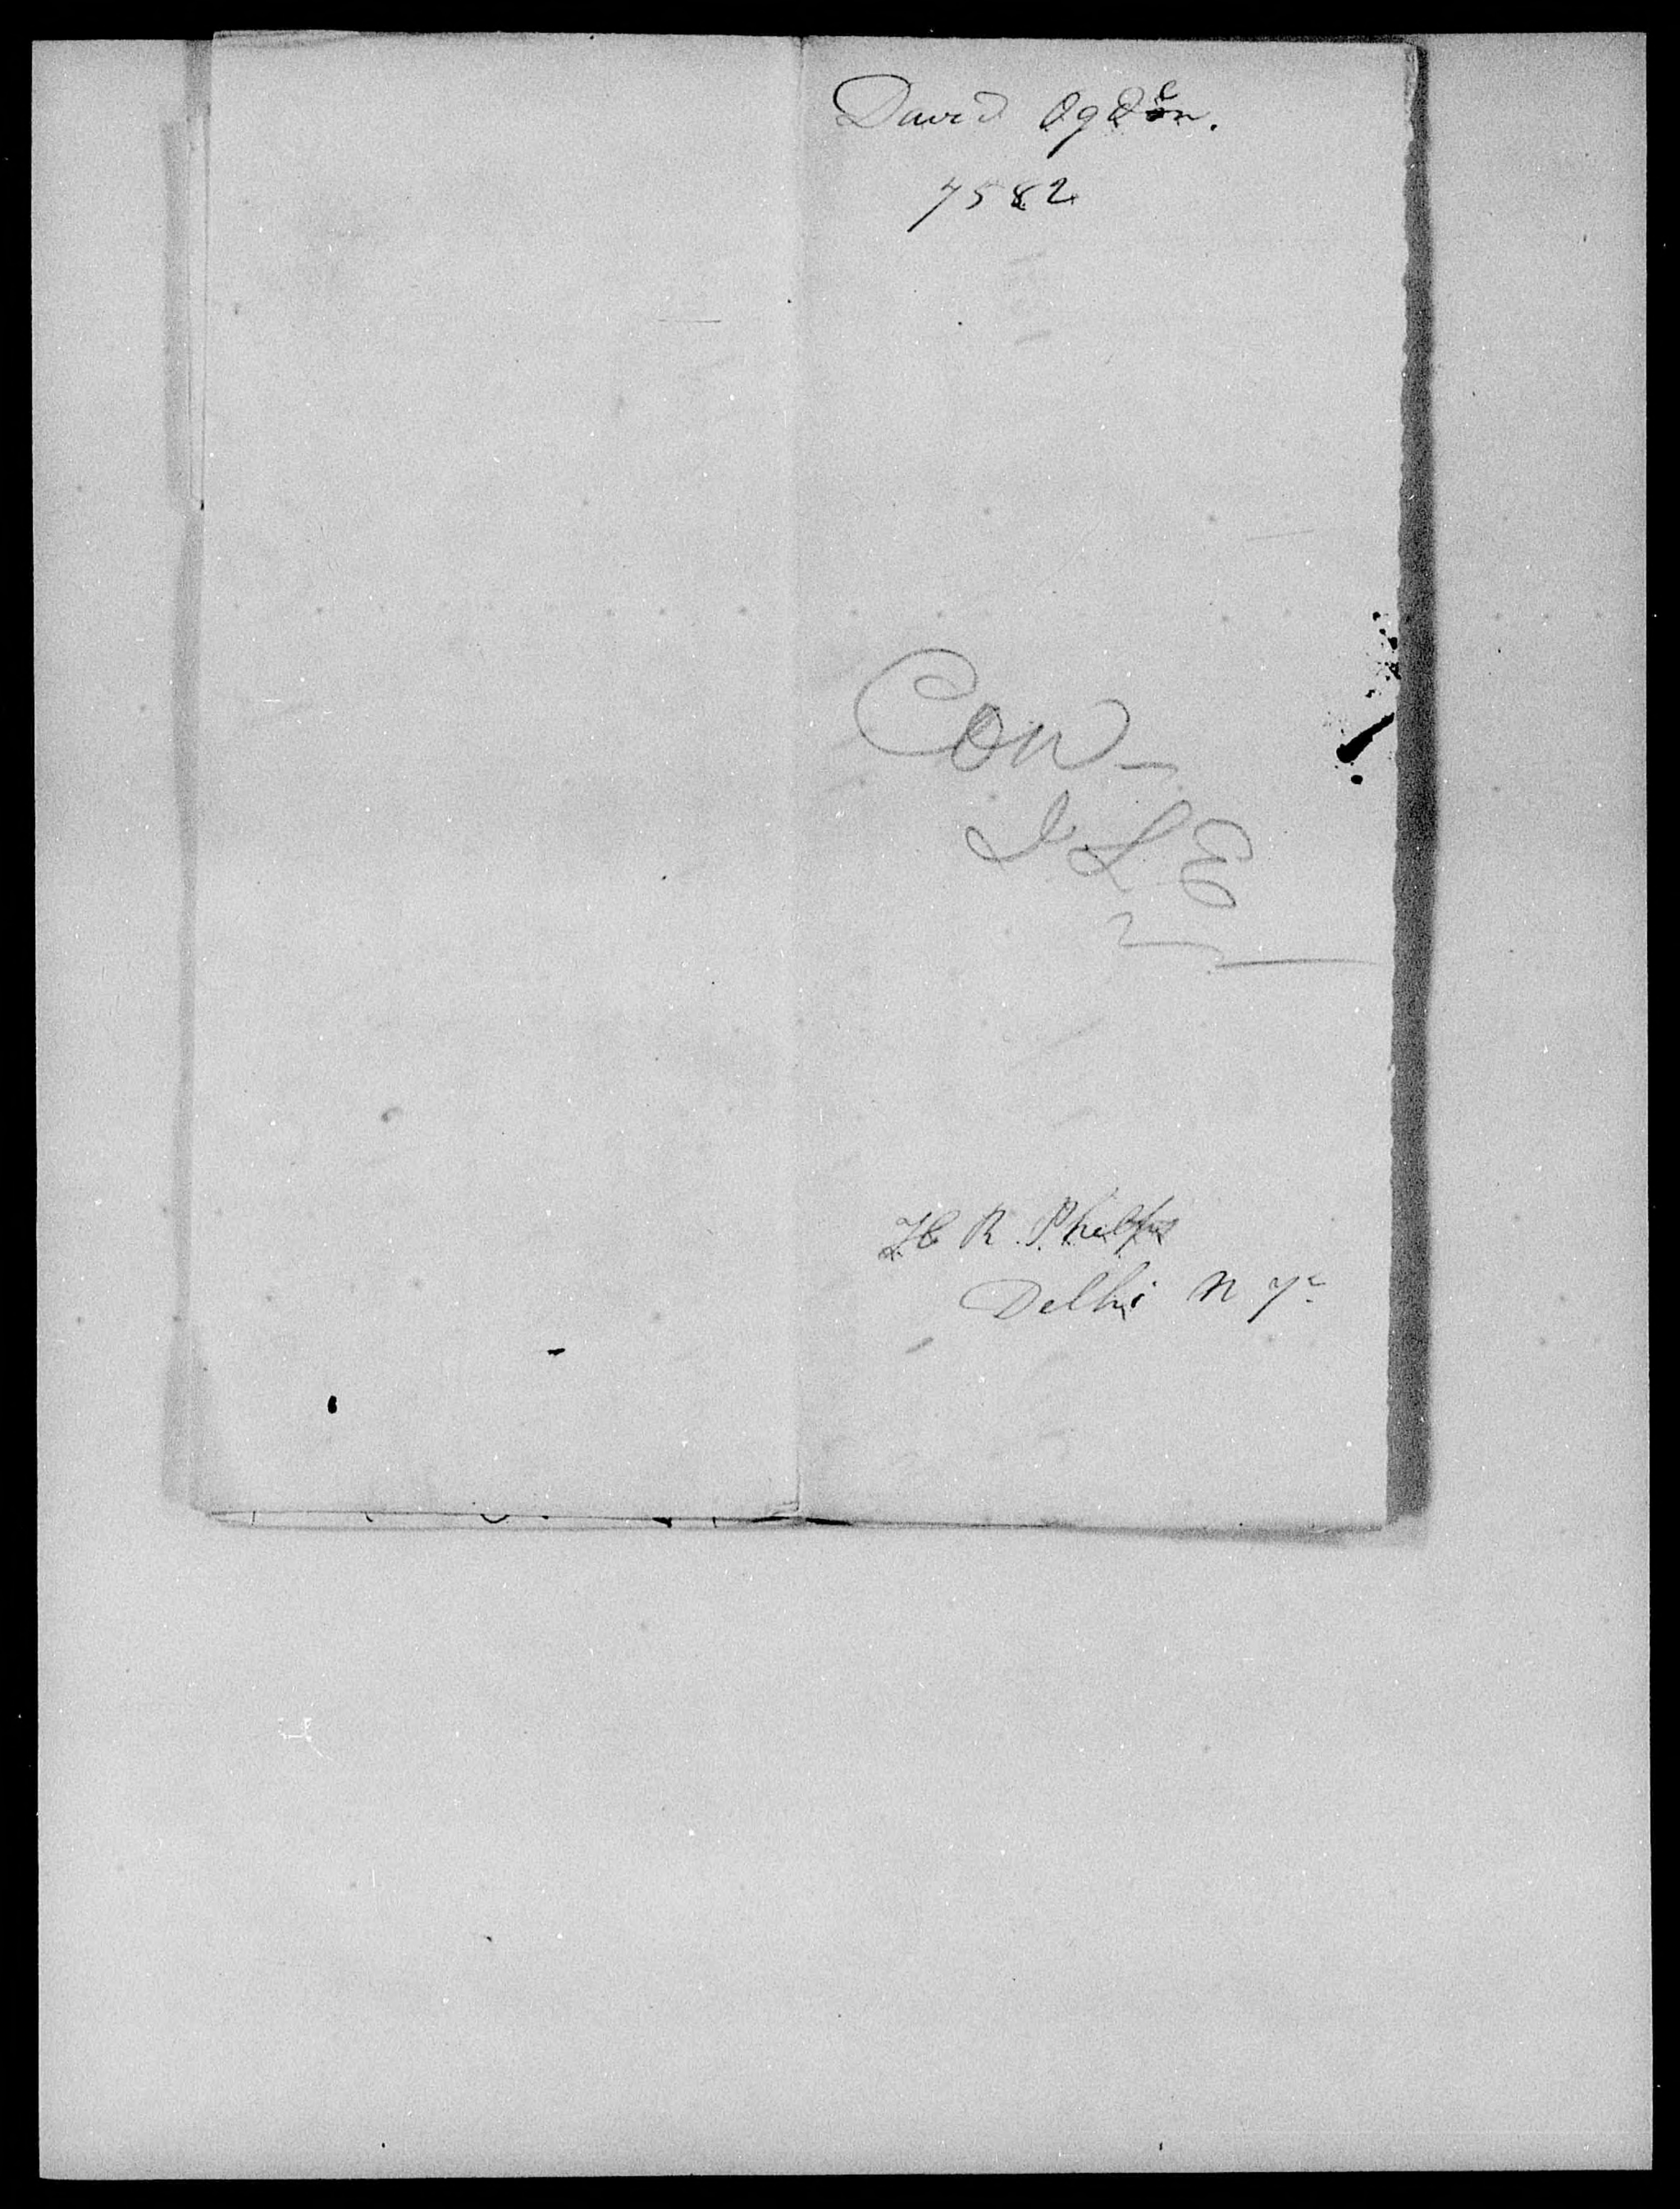David Ogden. [correction of Ogdon]
7582

Con-
J L E

H. R. Phelps
Delhi N Y.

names: David Ogden; H R Phelps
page: 13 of 40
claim: widow's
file: W. 24364, for David Ogden, New York